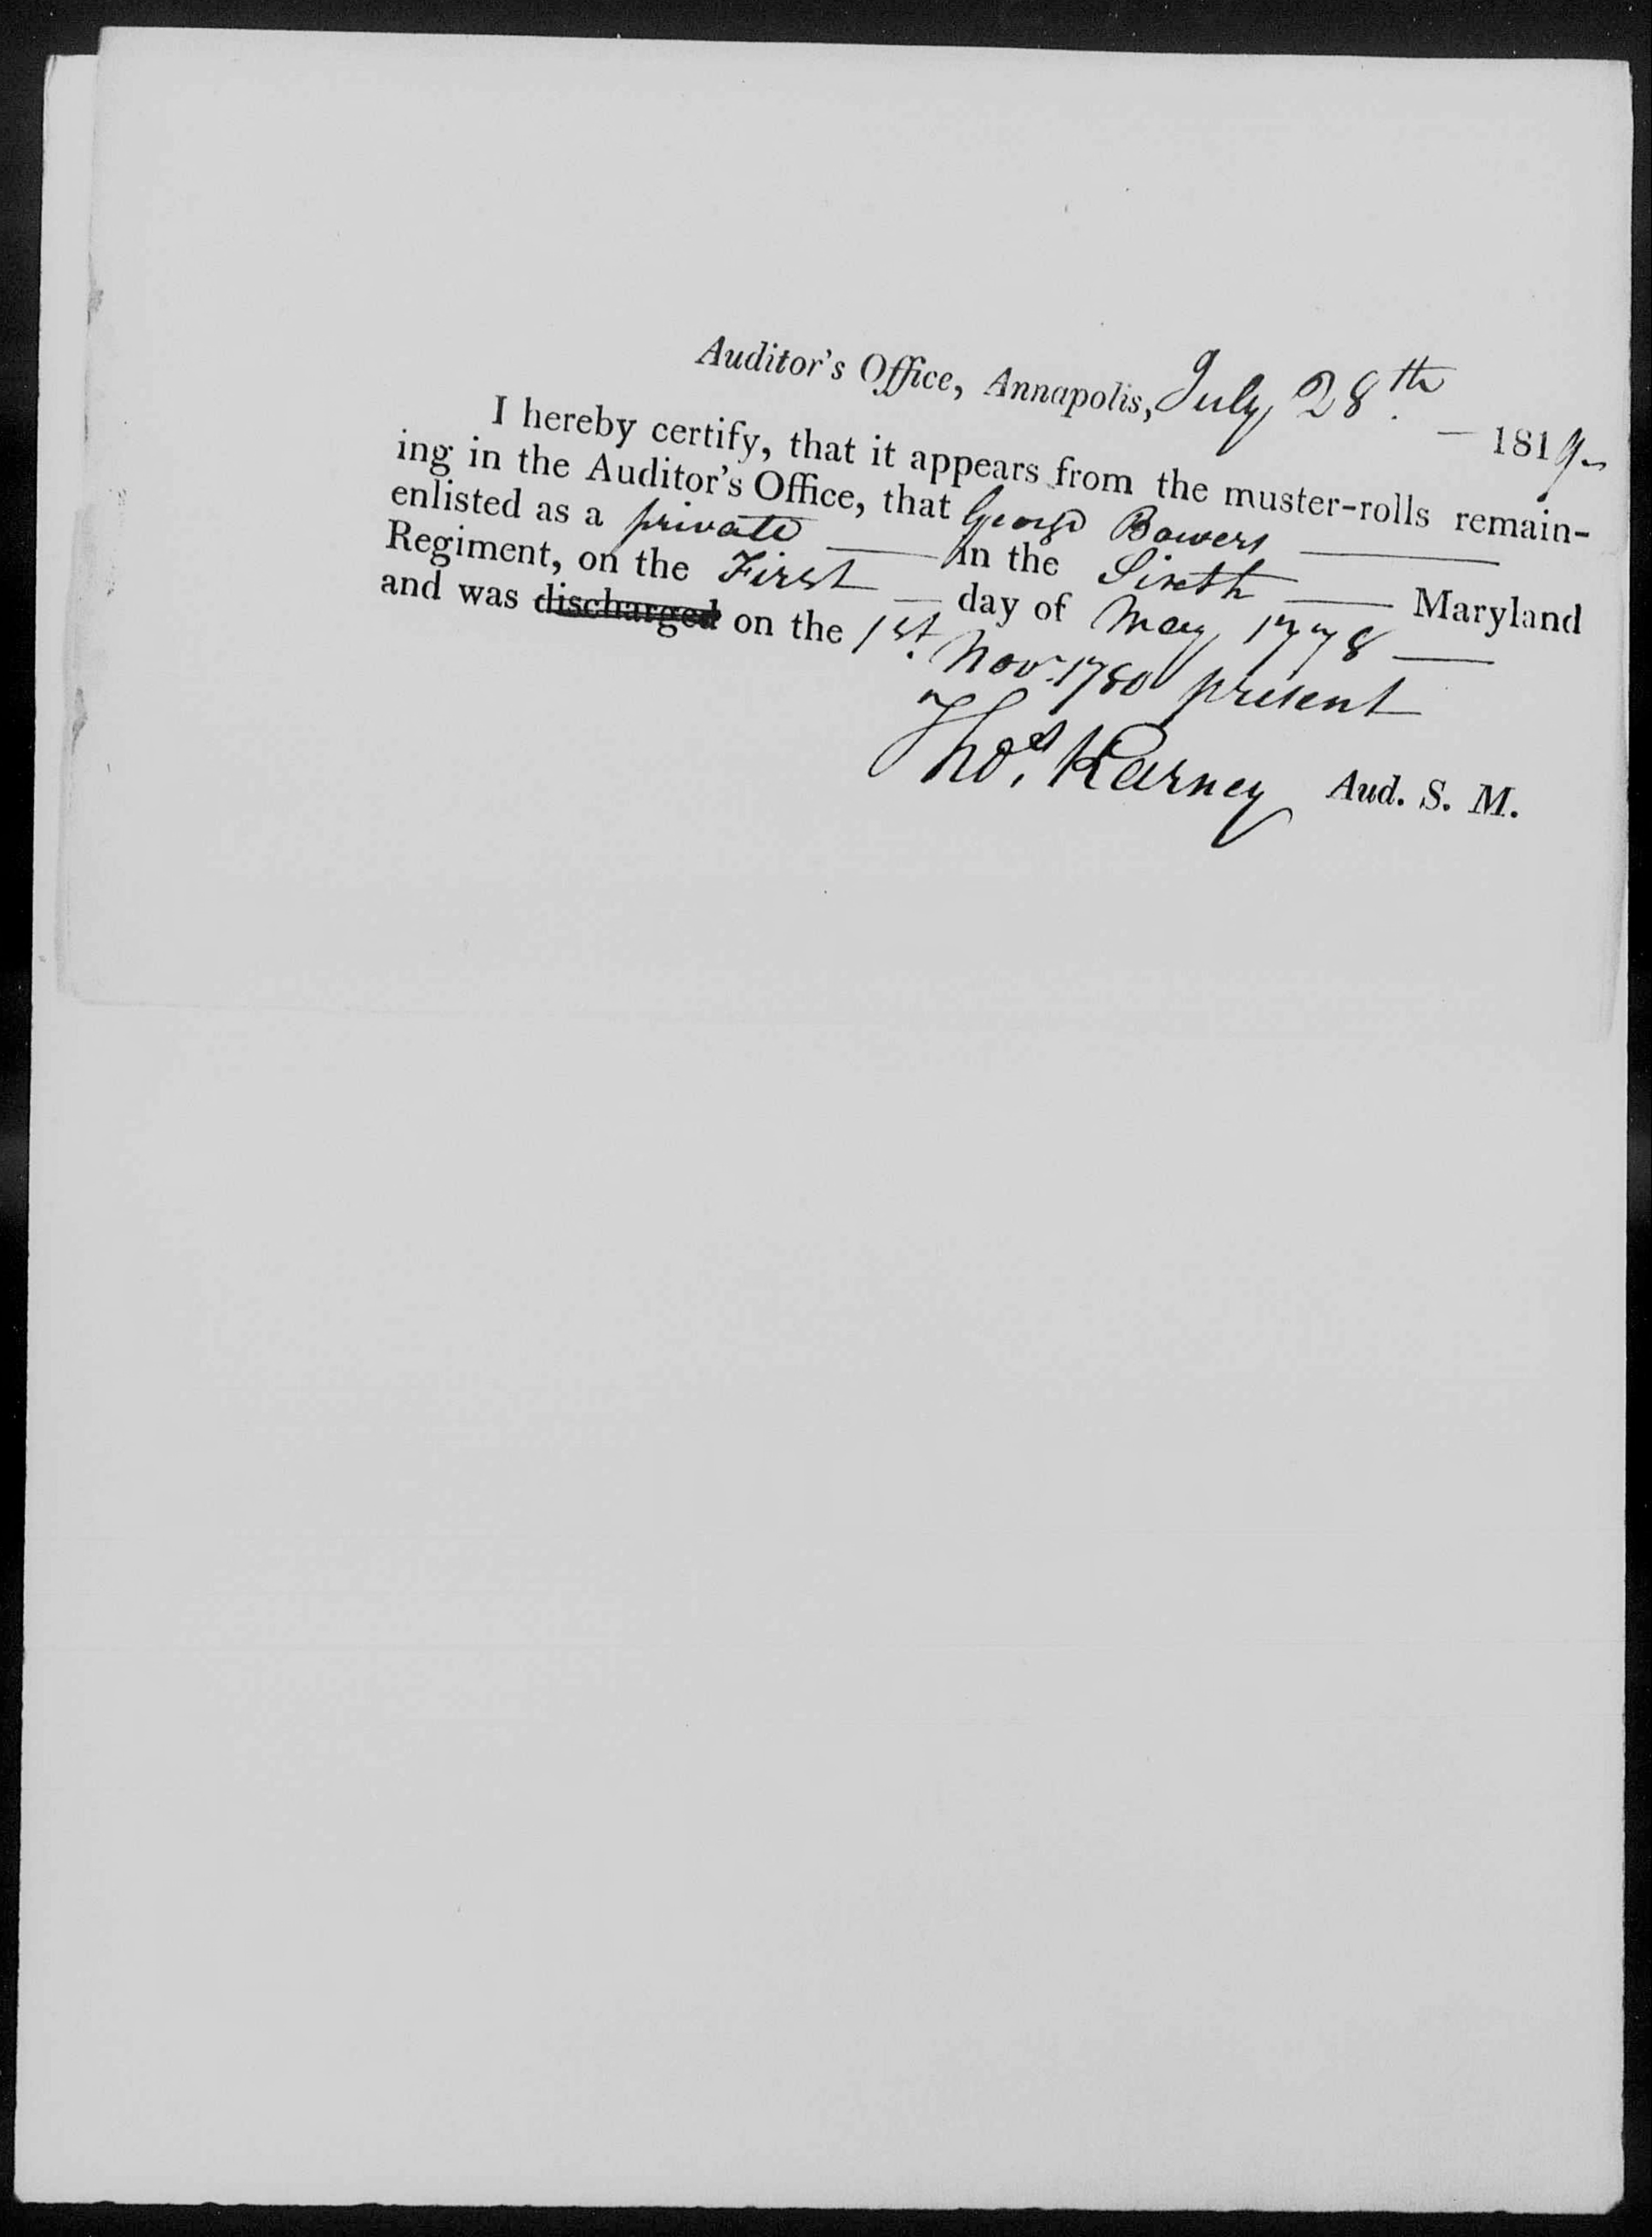[printed form completed in handwriting]

Auditor’s Office, Annapolis, July 28th. 1819 ~
 I hereby certify, that it appears from the muster-rolls remaining in the Auditor’s Office, that George Bowers enlisted as a private in the Sixth Maryland Regiment, on the First day of May 1778 and was discharged [discharged is struck out] on the 1st Nov. 1780 present

[signed]
Thos. Harney Aud. S. M.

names: Thos Harvey, George Bowers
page: 14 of 19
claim: survivor's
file: S. 40,018, George Bowers, Md